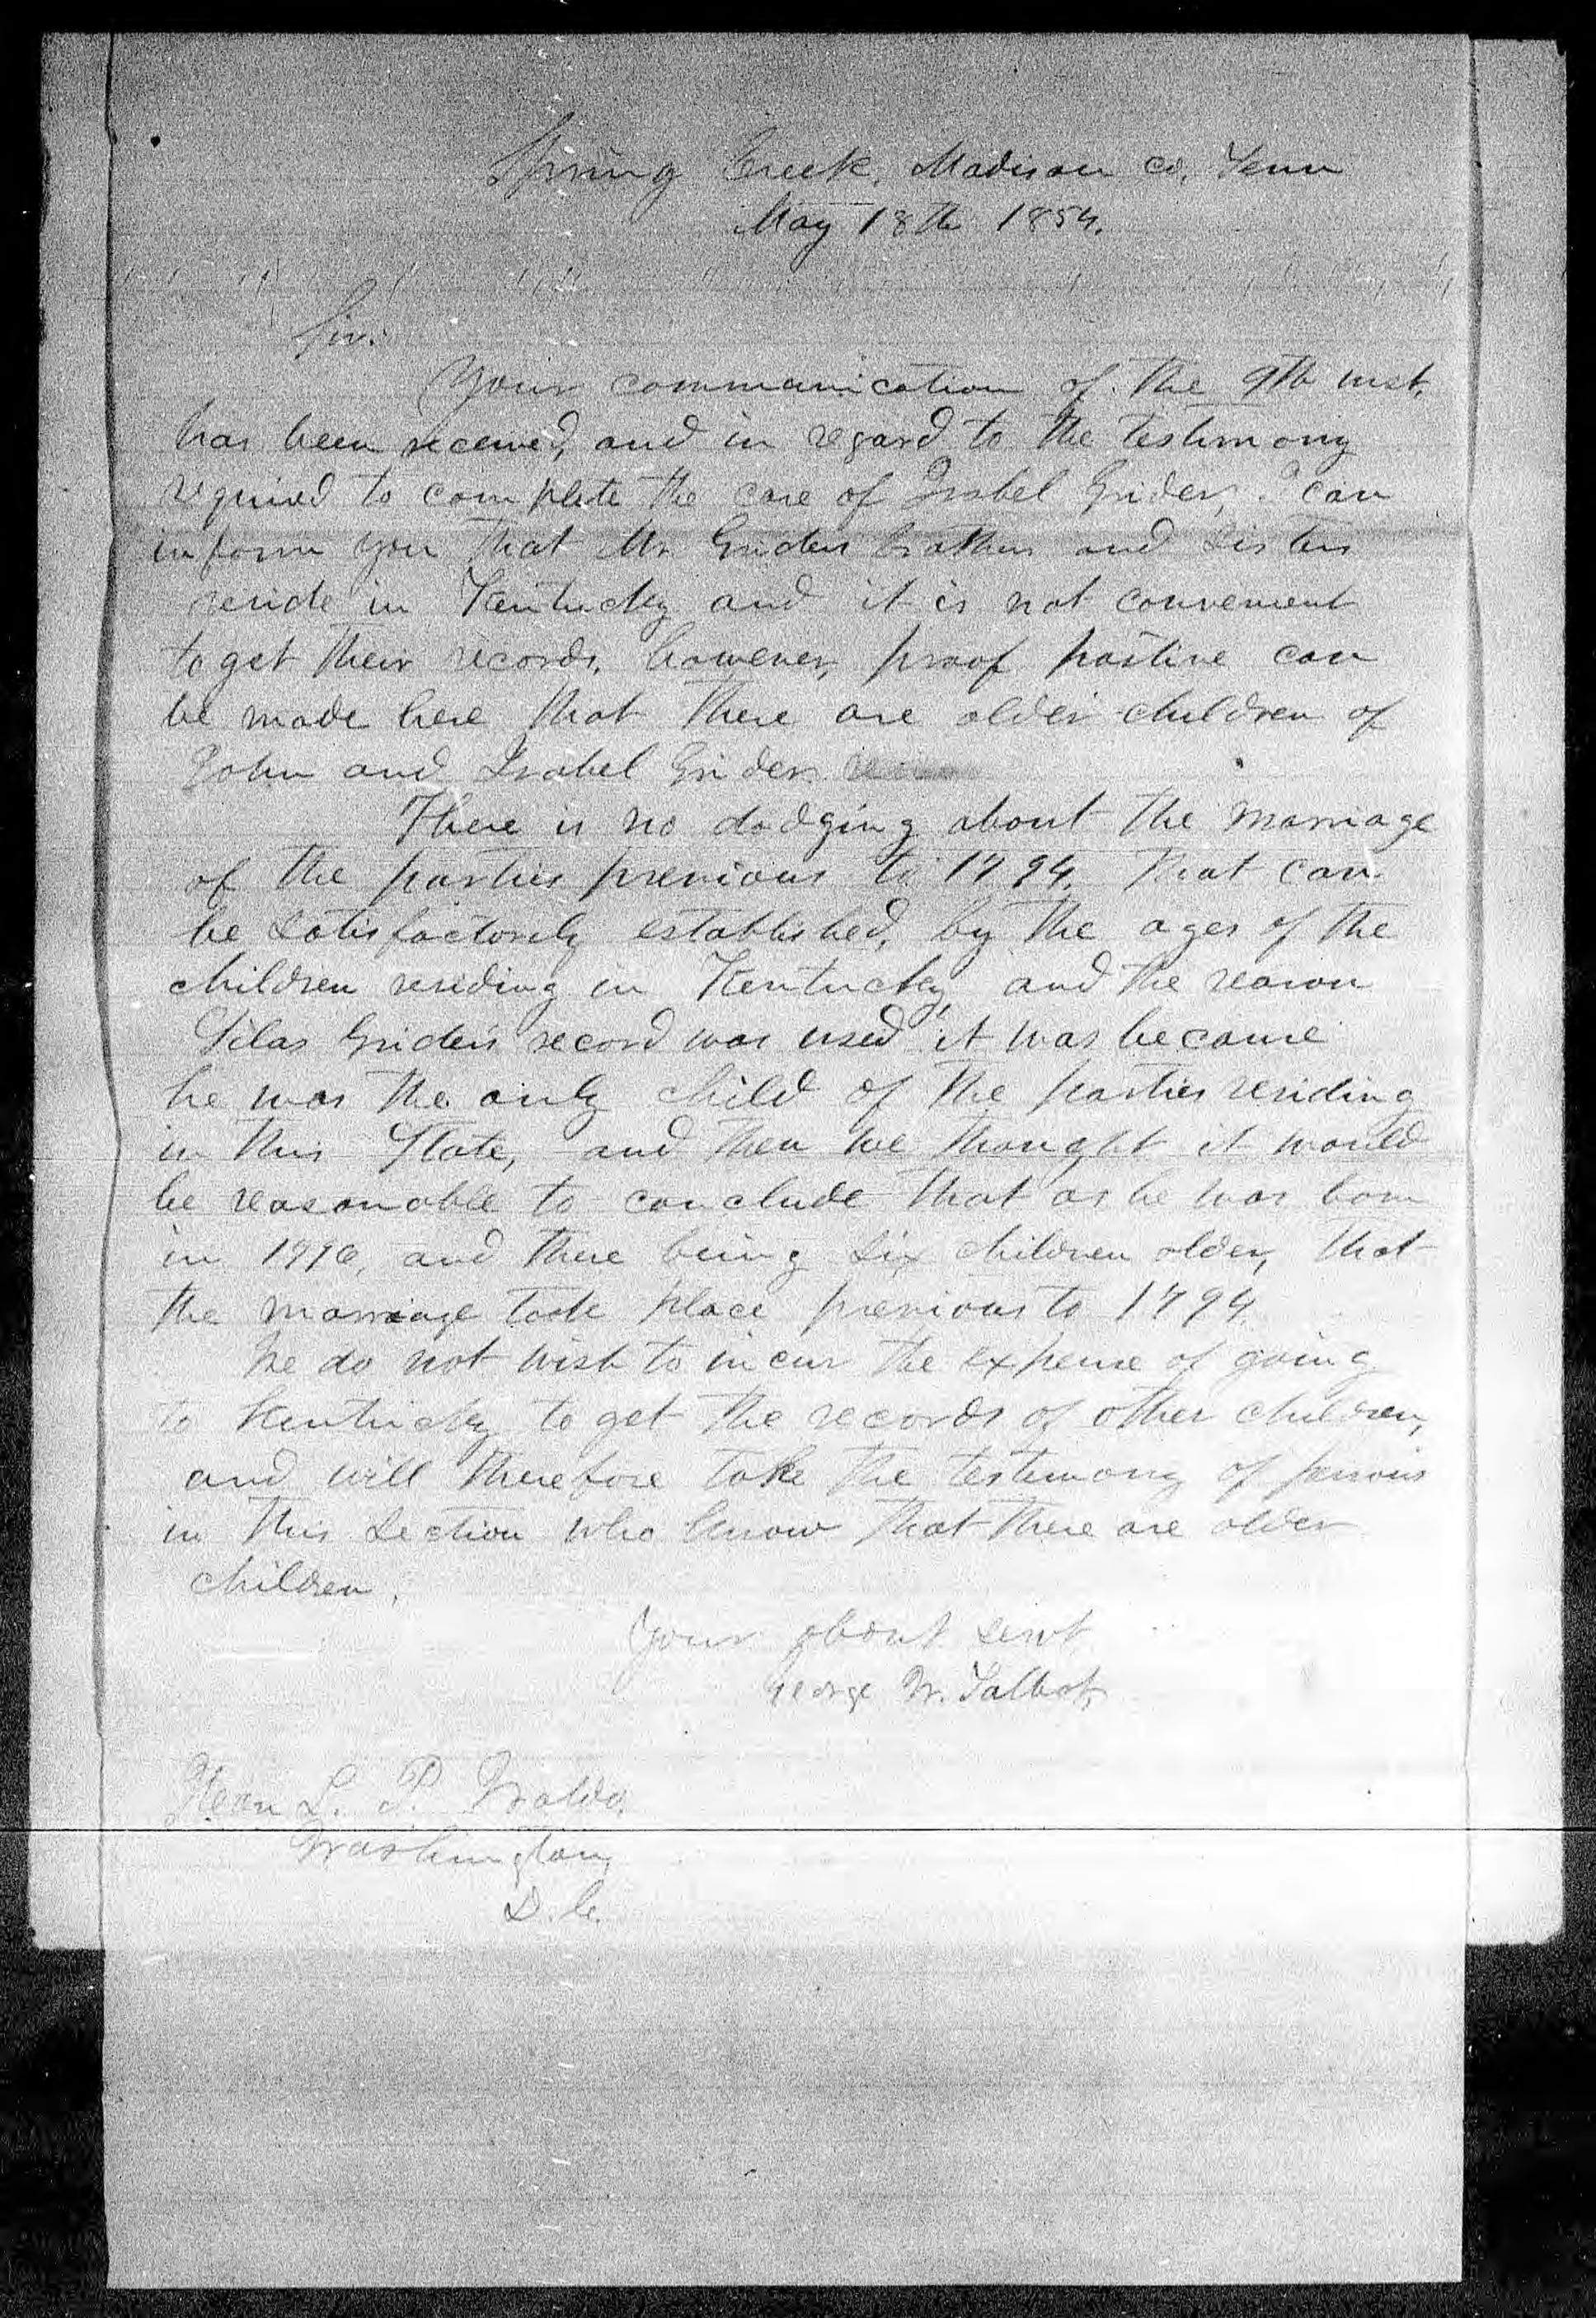Spring Creek, Madison Co, Tenn
May 18th 1854

Sir:

     Your communication of the 9th [illegible] has been received, and in regard to the testimony required to complete the case of Isabel Grider, I can inform you that Mrs. Grider brtoehrs and sisters reside in Kentucky and it is not convenient to get their records, however, proof positive can be made here that there are older children of John and Isabel Grider.
      There is no dodging about the marriage of the parties previous to 1794,  That can be satisfactorily established  by the ages of the children residing in Kentucky, and the reason Silas Grider's record was used it was because he was the only child of the parties residing in this state, and then we thought it would be reasonable to conclude that as he was born in 1796, and there being six children older, that the marriage took place previous to 1794.
     We do not wish to incur the expense of going to Kentucky to get the records of other children and will therefore take the testimony of persons in this section who know that there are older children.

Your Obent servt
George W. Talbot


Hon L. P. Waldo
Washington
D.C.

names: L P Waldo, Isabel Grider, Grider, Silas Grider, Isabel Grider, George W Talbot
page: 53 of 91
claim: widow's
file: W 358, John Grider, N.C.